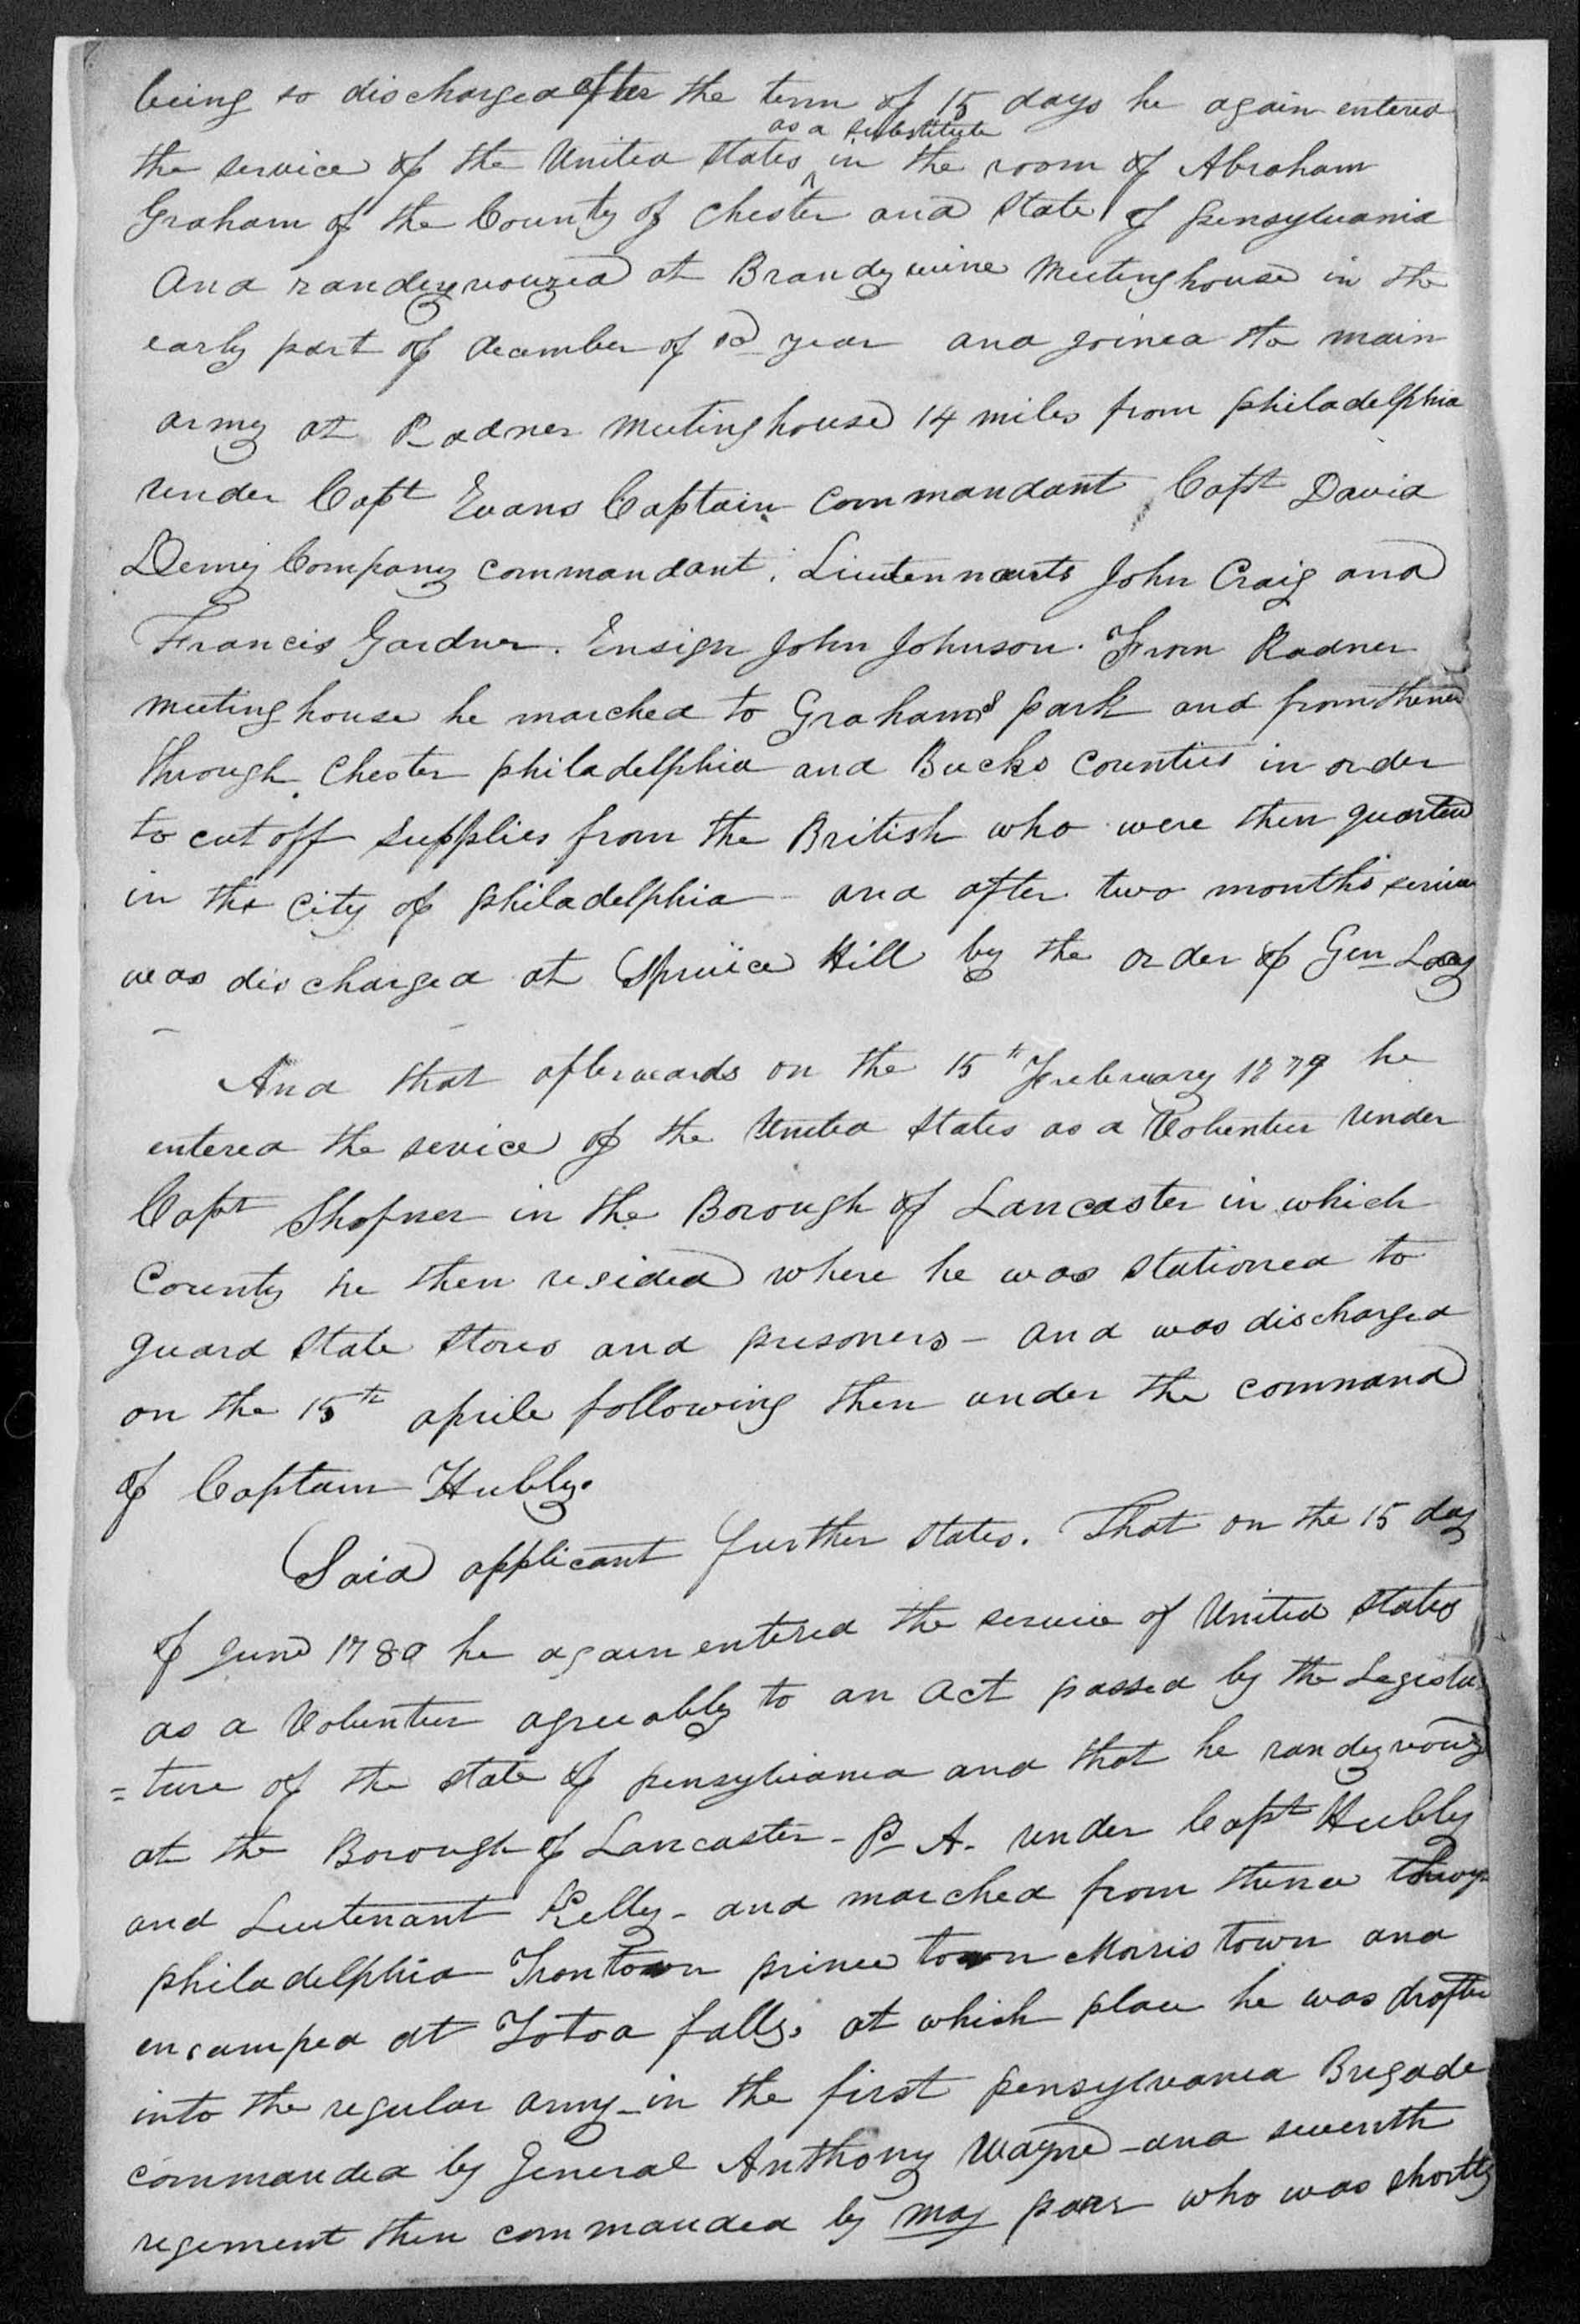being to discharge after the term of 15 days he again entered the service of the United States in the room of Abraham Graham of the County of Chester and State of Pennsylvania
And (illegible) at Brandywine Meetinghouse in the early part of December of (illegible) year and joined the main army at Radnor Meetinghouse 14 miles from Philadelphia under Capt. Evans Captain Commandant Capt David Denny Company commandant, Lieutenants John Craig and Francis Gardner. Ensign John Johnson. From Radnor meetinghouse he marched to Graham Park and from there through Chester Philadelphia and Bucks Counties in order to cut off supplies from the British who were then quartered in the city of Philadelphia and after two months service was discharged at (illegible) Hill by the order of Gen L (illegible).
And that afterwards on the 1th February 1779 he entered the service of the United States as a volunteer under Capt Shaffner in the Borough of Lancaster in which county he then resided where he was stationed to guard State stores and prisoners. and was discharged on the 15th April following then under the command of Captain Hubly.

Said applicant further state that on the 15th day of June 1780 he again entered the service of United States as a Volunteer agreeably to an act passed by the Legislature of the state of Pennsylvania and the he rendezvoused at the Borough of Lancaster PA under Capt Hubly and Lieutenant Kelly and marched from there through Philadelphia Trenton Princeton Morristown and encamped at TOTOWA FALLS, at which place he was drafted into the regular army in the first Pennsylvania Brigade commanded by General Anthony Wayne and seventh regiment then commanded by Major (illegible) who was shortly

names: Shofner, Graham, Anthony Wayne, Abraham Graham, Evans, Hubly, John Craig, Francis Gardner, Hubly, John Johnson, Kelly, Lacy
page: 4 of 42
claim: survivor's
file: S. 31,595, John Carmickele, Penn.